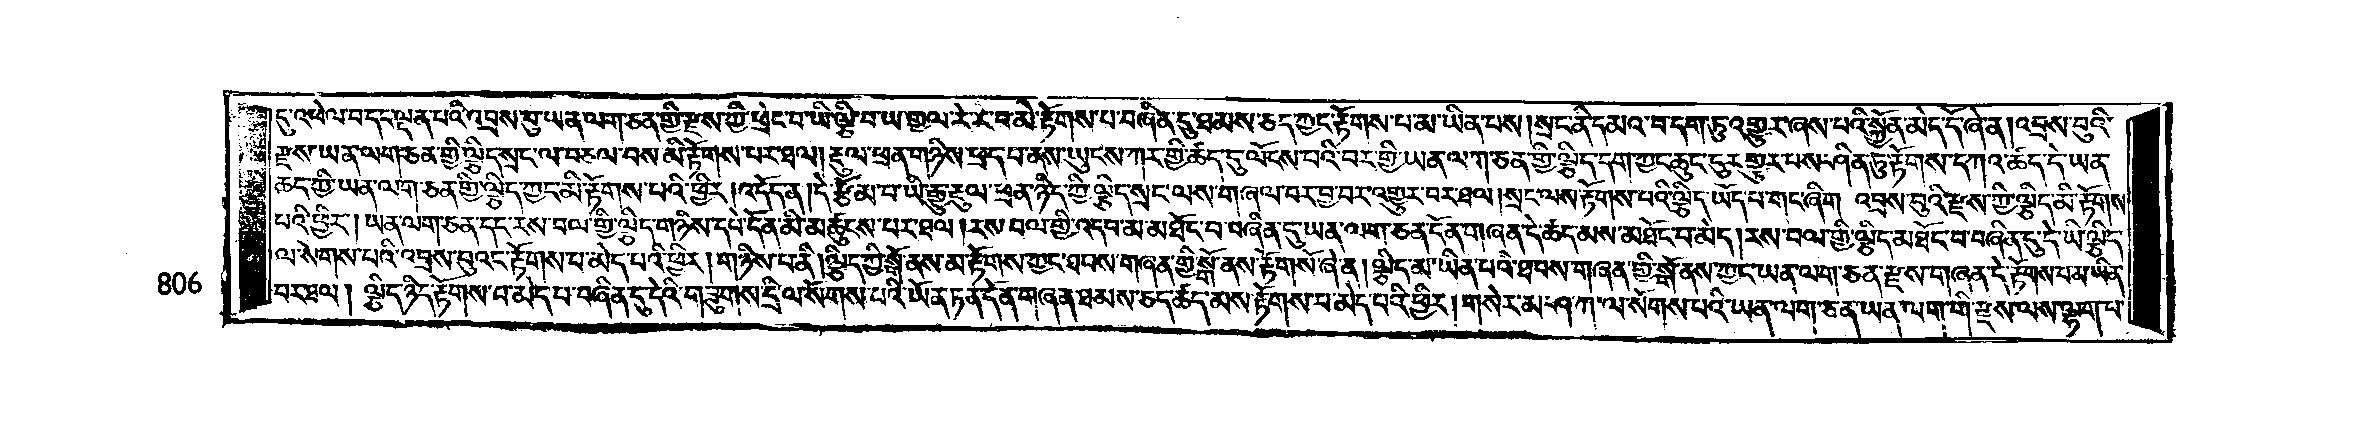དུ་འཕེལ་བ་དང་ལྡན་པའི་འབྲས་བུ་ཡན་ལག་ཅན་གྱི་རྫས་ཀྱི་ཕྲེང་བ་ཡི་ལྕི་བ་ཡ་གྱལ་རེ་རེ་བ་མི་རྟོགས་པ་བཞིན་དུ་ཐམས་ཅད་ཀྱང་རྟོགས་པ་མ་ཡིན་པས། སྲང་ནི་དམའ་བ་དག་ཏུ་འགྱུར་ཞེས་པའི་སྐྱོན་མེད་དོ་ཞེ་ན། འབྲས་བུའི་
རྫས་ཡན་ལག་ཅན་གྱི་ལྕིད་སྲང་ལ་བཅལ་བས་མི་རྟོགས་པར་ཐལ། རྡུལ་ཕྲན་གཉིས་ཕྲད་པ་ནས་ཡུངས་ཀར་གྱི་ཚད་དུ་ལོངས་པའི་བར་གྱི་ཡན་ལག་ཅན་གྱི་ལྕིད་དག་ཀྱང་ཆུང་ངུར་གྱུར་པས་ཤིན་ཏུ་རྟོགས་དཀའ་ཚད་དེ་ཡན་
ཆད་ཀྱི་ཡན་ལག་ཅན་གྱི་ལྕིད་ཀྱང་མི་རྟོགས་པའི་ཕྱིར། འདོད་ན། དེ་རྩོམ་པ་ཡི་རྒྱུ་རྡུལ་ཕྲན་ཉིད་ཀྱི་ལྕིད་སྲང་ལས་གཞལ་བར་བྱ་བར་འགྱུར་བར་ཐལ། སྲང་ལས་རྟོགས་པའི་ལྕིད་ཡོད་པ་གང་ཞིག་འབྲས་བུའི་རྫས་ཀྱི་ལྕིད་མི་རྟོགས་
པའི་ཕྱིར། ཡན་ལག་ཅན་དང་རས་བལ་གྱི་ལྕིད་གཉིས་དཔེ་དོན་མི་མཚུངས་པར་ཐལ། རས་བལ་གྱི་འདབ་མ་མཐོང་བ་བཞིན་དུ་ཡན་ལག་ཅན་དོན་གཞན་དེ་ཚད་མས་མཐོང་བ་མེད། རས་བལ་གྱི་ལྕིད་མཐོང་བ་བཞིན་དུ་དེ་ཡི་ལྕིད་
ལ་སོགས་པའི་འབྲས་བུའང་རྟོགས་པ་མེད་པའི་ཕྱིར། གཉིས་པ་ནི། ལྕིད་ཀྱི་སྒོ་ནས་མ་རྟོགས་ཀྱང་ཐབས་གཞན་གྱི་སྒོ་ནས་རྟོགས་སོ་ཞེ་ན། ལྕིད་མ་ཡིན་པའི་ཐབས་གཞན་གྱི་སྒོ་ནས་ཀྱང་ཡན་ལག་ཅན་རྫས་གཞན་དེ་རྟོགས་པ་མ་ཡིན་
པར་ཐལ། ལྕིད་ཉིད་རྟོགས་པ་མེད་པ་བཞིན་དུ་དེའི་གཟུགས་དྲི་ལ་སོགས་པའི་ཡོན་ཏན་དོན་གཞན་ཐམས་ཅད་ཚད་མས་རྟོགས་པ་མེད་པའི་ཕྱིར། གསེར་མ་ཤ་ཀ་ལ་སོགས་པའི་ཡན་ལག་ཅན་ཡན་ལག་གི་རྫས་ལས་ལྷག་པ་